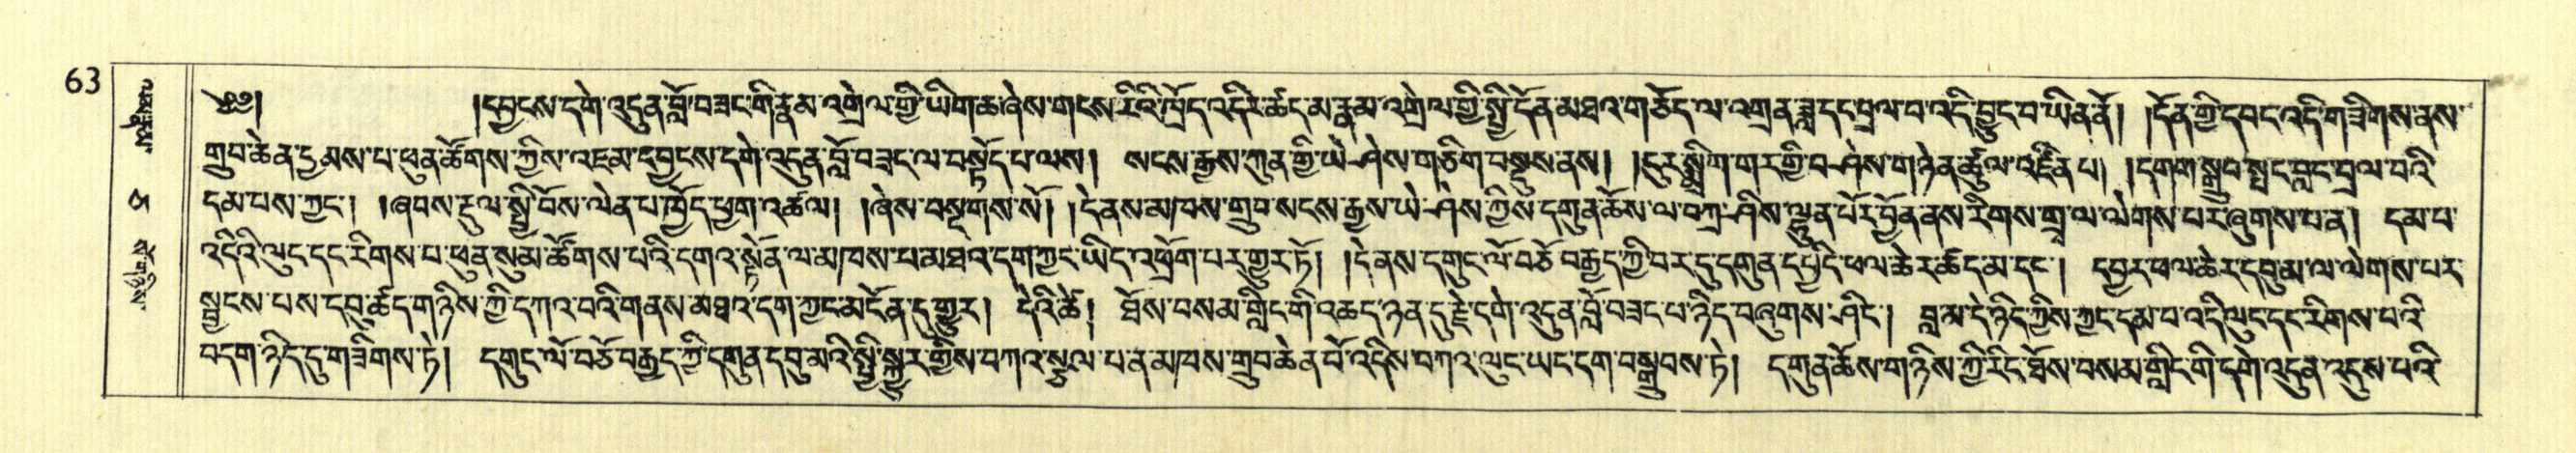༄༅། །དབྱངས་དགེ་འདུན་བློ་བཟང་གི་རྣམ་འགྲེལ་གྱི་ཡིག་ཆ་ཞེས་གངས་རིའི་ཁྲིད་འདིར་ཚད་མ་རྣམ་འགྲེལ་གྱི་སྤྱི་དོན་མཐའ་གཅོད་ལ་འགྲན་ཟླ་དང་བྲལ་བ་འདི་བྱུང་བ་ཡིན་ནོ། །དོན་གྱི་དབང་འདི་གཟིགས་ནས་
གྲུབ་ཆེན་བྱམས་པ་ཕུན་ཚོགས་ཀྱིས་འཇམ་དབྱངས་དགེ་འདུན་བློ་བཟང་ལ་བསྟོད་པ་ལས། སངས་རྒྱས་ཀུན་གྱི་ཡེ་ཤེས་གཅིག་བསྡུས་ནས། །དུར་སྨྲིག་གར་གྱི་བཤེས་གཉེན་ཚུལ་འཛིན་པ། །དགག་སྒྲུབ་སྤང་བླང་བྲལ་བའི་
དམ་པས་ཀྱང་། །ཞབས་རྡུལ་སྤྱི་བོས་ལེན་པ་ཁྱོད་ཕྱག་འཚལ། །ཞེས་བསྔགས་སོ། །དེ་ནས་མཁས་གྲུབ་སངས་རྒྱས་ཡེ་ཤེས་ཀྱིས་དགུན་ཆོས་ལ་བཀྲ་ཤིས་ལྷན་པོར་བྱོན་ནས་རིགས་གྲྭ་ལ་ལེགས་པར་ཞུགས་པ་ན། དམ་པ་
འདིའི་ལུང་དང་རིགས་པ་ཕུན་སུམ་ཚོགས་པའི་དགའ་སྟོན་ལ་མཁས་པ་མཐའ་དག་ཀྱང་ཡིད་འཕྲོག་པར་གྱུར་ཏོ། །དེ་ནས་དགུང་ལོ་བཅོ་བརྒྱད་ཀྱི་བར་དུ་དགུན་དཔྱིད་ཕལ་ཆེར་ཚད་མ་དང་། དབྱར་ཕལ་ཆེར་དབུ་མ་ལ་ལེགས་པར་
སྦྱངས་པས་དབུ་ཚད་གཉིས་ཀྱི་དཀའ་བའི་གནས་མཐའ་དག་ཀྱང་མངོན་དུ་གྱུར། དེའི་ཚེ། ཐོས་བསམ་གླིང་གི་འཆད་ཉན་དུ་རྗེ་དགེ་འདུན་བློ་བཟང་པ་ཉིད་བཞུགས་ཤིང་། བླ་མ་དེ་ཉིད་ཀྱིས་ཀྱང་དམ་པ་འདི་ལུང་དང་རིགས་པའི་
བདག་ཉིད་དུ་གཟིགས་ཏེ། དགུང་ལོ་བཅོ་བརྒྱད་ཀྱི་དགུན་དབུ་མའི་སྤྱི་སྐྱར་གྱིས་བཀའ་སྩལ་པ་ན་མཁས་གྲུབ་ཆེན་པོ་འདིས་བཀའ་ལུང་ཡང་དག་བསྒྲུབས་ཏེ། དགུན་ཆོས་གཉིས་ཀྱི་རིང་ཐོས་བསམ་གླིང་གི་དགེ་འདུན་འདུས་པའི་